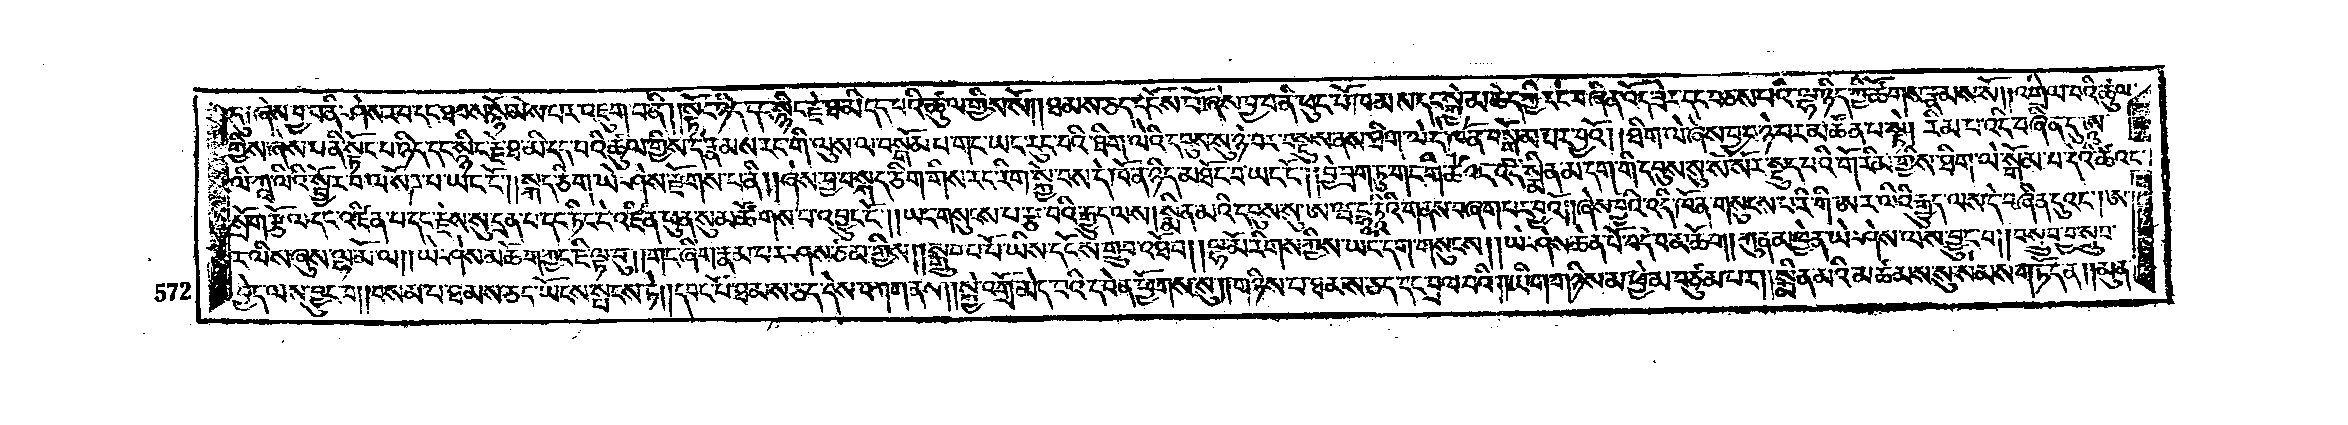དུ། ཞེས་བྱ་བ་ནི་ཤེས་རབ་དང་ཐབས་སྙོམས་པར་འཇུག་པ་ནི། །སྟོང་ཉིད་དང་སྙིང་རྗེ་ཐ་མི་དད་པའི་ཚུལ་གྱིས་སོ། །ཐམས་ཅད་དངོས་པོ་ཞེས་བྱ་བ་ནི་ཕུང་པོ་ཁམས་དང་སྐྱེ་མཆེད་ཀྱི་རང་བཞིན་འོད་ཟེར་དང་བཅས་པའི་ལྷ་ཉིད་ཀྱི་ཚོགས་རྣམས་སོ། །འགྲིལ་བའི་ཚུལ་
གྱིས་ཞེས་པ་ནི་སྟོང་པ་ཉིད་དང་སྙིང་རྗེ་ཐ་མི་དད་པའི་ཚུལ་གྱིས་དེ་རྣམས་རང་གི་ལུས་ལ་བསྒོམ་པ་གང་ཡང་རུང་བའི་ཐིག་ལེའི་དབུས་སུ་ཉེ་བར་བསྡུས་ནས་ཐིག་ལེ་དེ་ཁོ་ན་བསྒོམ་པར་བྱའོ། །ཐིག་ལེ་ཞེས་བྱ་བ་ཉེ་བར་མཚོན་པ་སྟེ། རིམ་པ་འདི་བཞིན་དུ་ཨཱ་
ལི་ཀཱ་ལིའི་སྦྱོར་བ་ལ་སོགས་པ་ཡང་ངོ། །སྐད་ཅིག་ཡེ་ཤེས་རྫོགས་པ་ནི། །ཞེས་བྱ་བ་སྐད་ཅིག་གིས་རང་རིག་སྐྱེ་བས་དེ་ཁོ་ན་ཉིད་མཐོང་བ་ཡང་ངོ། །བྱེ་བྲག་ཏུ་གང་གི་ཚེའང་འདི་སྨིན་མ་དག་གི་དབུས་སུ་སོ་སོར་སྡུད་པའི་གོ་རིམ་གྱིས་ཐིག་ལེ་སྒོམ་པ་དེའི་ཚེའང་
སྲོག་རྩོལ་དང་འཛིན་པ་དང་རྗེས་སུ་དྲན་པ་དང་ཏིང་ངེ་འཛིན་ཕུན་སུམ་ཚོགས་པ་འབྱུང་ངོ། །ཡང་གསུངས་པ་རྩ་བའི་རྒྱུད་ལས། སྨིན་མའི་དབུས་སུ་ཨ་ཝ་དྷཱུ་ཏཱིའི་གནས་བཞག་པར་བྱའོ། །ཞེས་བྱའི་འདི་ཁོ་ན་གསུངས་པ་རི་གི་ཨ་ར་ལིའི་རྒྱུད་ལས་དེ་བཞིན་དུའང་། ཨ་
ར་ལིས་ཞུས་ལྷ་མོ་ལ། །ཡེ་ཤེས་མཆོག་ཀྱང་ཇི་ལྟ་བུ། །གང་ཞིག་རྣམ་པར་ཤེས་ཙམ་གྱིས། །སྒྲུབ་པ་པོ་ཡིས་དངོས་གྲུབ་འཐོབ། །ལྷ་མོ་རིགས་ཀྱིས་ཡང་དག་གསུངས། །ཡེ་ཤེས་ཆེན་པོ་བདེ་བ་མཆོག །ཀུན་མཁྱེན་ཡེ་ཤེས་ལས་བྱུང་བ། །བསྲུབ་བྱ་སྲུབ་
བྱེད་ལས་བྱུང་བ། །བསམ་པ་ཐམས་ཅད་ཡོངས་སྤངས་ཏེ། །དབང་པོ་ཐམས་ཅད་དེས་བཀག་ནས། །སྐྱེ་འགྲོ་མེད་པའི་དབེན་ཕྱོགས་སུ། །གཉིས་པ་ཐམས་ཅད་དང་བྲལ་བའི། །མིག་གཉིས་མ་ཕྱེ་མ་བཙུམ་པར། །སྨིན་མའི་མཚམས་སུ་སེམས་གཏོད་ན། །མུན་